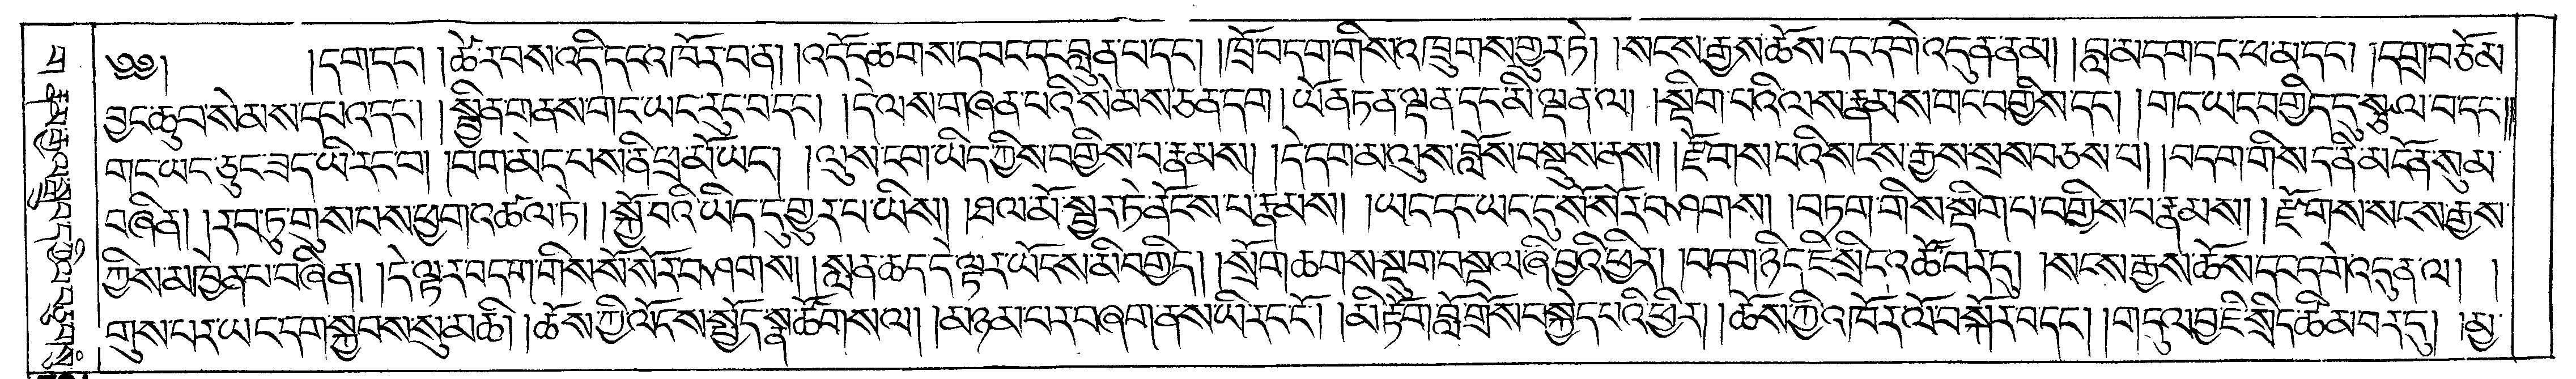༄༅། །དག་དང་། །ཚེ་རབས་འདི་དང་འཁོར་བ་ན། །འདོད་ཆགས་དབང་དང་བླུན་པ་དང་། །ཁྲོ་བ་དག་གིས་འཁྲུགས་གྱུར་ཏེ། །སངས་རྒྱས་ཆོས་དང་དགེ་འདུན་ནམ། །བླ་མ་དག་དང་ཕ་མ་དང་། །དགྲ་བཅོམ་
བྱང་ཆུབ་སེམས་དཔའ་དང་། །སྦྱིན་གནས་གང་ཡང་རུང་བ་དང་། །དེ་ལས་གཞན་པའི་སེམས་ཅན་དག །ཡོན་ཏན་ལྡན་དང་མི་ལྡན་ལ། །སྡིག་པའི་ལས་རྣམས་གང་བགྱིས་དང་། །གང་ཡང་བགྱིད་དུ་སྩལ་བ་དང་། །
གང་ཡང་ཅུང་ཟད་ཡི་རང་བ། །བག་མེད་པས་ནི་ཕྲ་མོ་ཡང་། །ལུས་ངག་ཡིད་ཀྱིས་བགྱིས་པ་རྣམས། །དེ་དག་མ་ལུས་བློས་བསྡུས་ནས། །རྫོགས་པའི་སངས་རྒྱས་སྲས་བཅས་པ། །བདག་གིས་ད་ནི་མངོན་སུམ་
བཞིན། །རབ་ཏུ་གུས་པས་ཕྱག་འཚལ་ཏེ། །སྐྱོ་བའི་ཡིད་དུ་གྱུར་པ་ཡིས། །ཐལ་མོ་སྦྱར་ཏེ་ནོངས་པ་རྣམས། །ཡང་དང་ཡང་དུ་སོ་སོར་བཤགས། །བཏག་གིས་སྡིག་པ་བགྱིས་པ་རྣམས། །རྫོགས་སངས་རྒྱས་
ཀྱིས་མཁྱེན་པ་བཞིན། །དེ་ལྟར་བདག་གིས་སོ་སོར་བཤགས། །སླན་ཆད་དེ་ལྟར་ཡོངས་མི་བགྱིད། །སྲོག་ཆགས་སྡུག་བསྔལ་ཞི་བྱའི་ཕྱིར། །བདག་ཉིད་ཇི་སྲིད་འཚོ་བར་དུ། །སངས་རྒྱས་ཆོས་དང་དགེ་འདུན་ལ། །
གུས་པར་ཡང་དག་སྐྱབས་སུ་མཆི། །ཆོས་ཀྱི་ལོངས་སྤྱོད་སྣ་ཚོགས་ལ། །མཉམ་པར་བཞག་ནས་ཡི་རང་ངོ། །མི་རྟོག་བློ་གྲོས་བསྐྱེད་པའི་ཕྱིར། །ཆོས་ཀྱི་འཁོར་ལོ་བསྐོར་བ་དང་། །གདུལ་བྱ་ཇི་སྲིད་ཚིམ་བར་དུ། །མྱ་